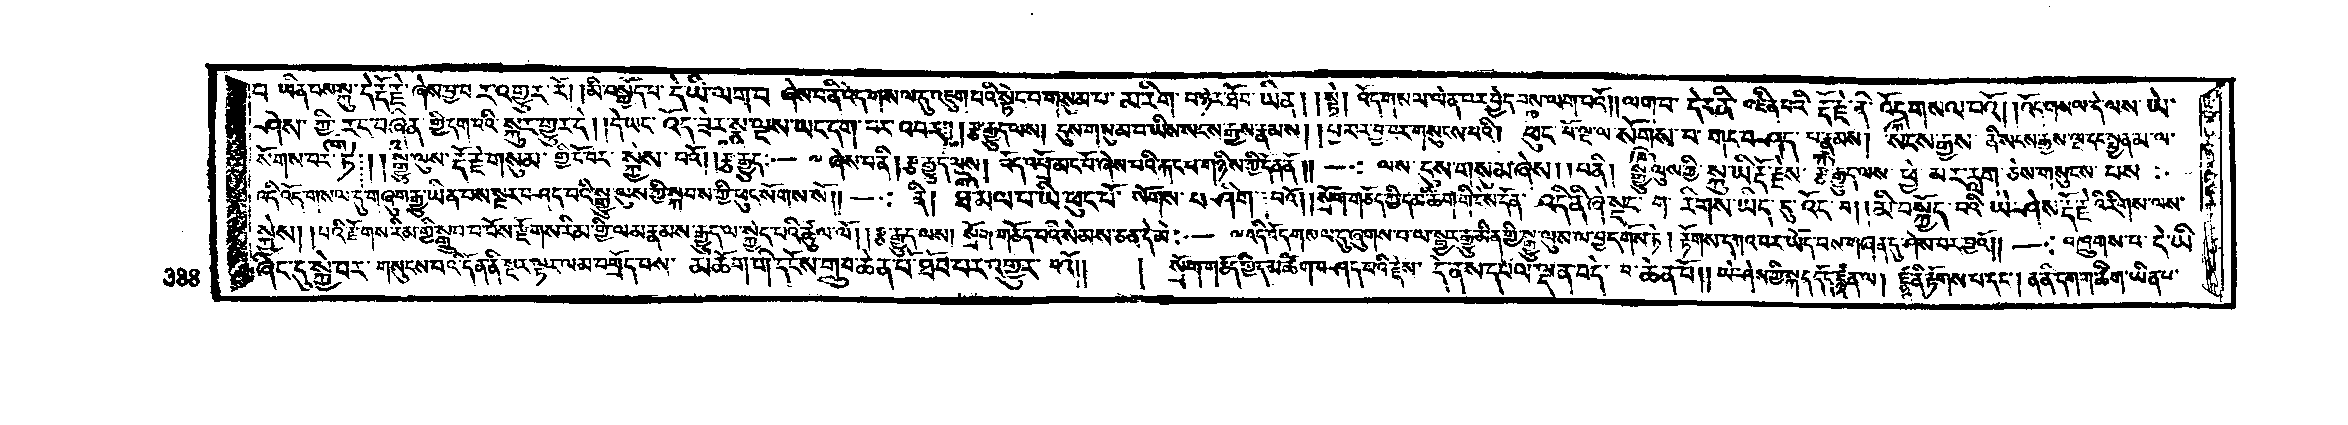པ་ཡིན་པས་སྐུ་དེ་རྡོ་རྗེ་ཞེས་བྱ་བར་འགྱུར་རོ། །མི་བསྐྱོད་པ་དེ་ཡི་ལག་པ་ཞེས་པ་ནི་འོད་གསལ་དུ་འཇུག་པའི་སྟོང་པ་གསུམ་པ་མ་རིག་པ་ཉེར་ཐོབ་ཡིན། །སྟེ། འོད་གསལ་ལེན་པར་བྱེད་པས་ལག་པའོ། །ལག་པ་དེར་ནི་འཛིན་པའི་རྡོ་རྗེ་ནི་འོད་གསལ་པའོ། །འོད་གསལ་དེ་ལས་ཡེ་
ཤེས་ཀྱི་རང་བཞིན་གྱི་དག་པའི་སྐུར་གྱུར་དེ། །དེ་ཡང་འོད་ཟེར་སྣ་ལྔས་ཡང་དག་པར་འབར། ། རྩ་རྒྱུད་ལས། དུས་གསུམ་པ་ཡིས་སངས་རྒྱས་རྣམས། །ཕྱི་མར་བྱ་བར་གསུངས་པའི།  ཕུང་པོ་ལྔ་ལ་སོགས་པ་གང་བཤད་པ་རྣམས།  ཀ་སངས་རྒྱས་ནི་སངས་རྒྱས་ལྔ་དང་སྤྱན་མ་ལ་
སོགས་པར་ག་ཏེ། །སྒྱུ་ལུས་རྡོ་རྗེ་གསུམ་གྱི་ངོ་བོར་སྐྱེས་པའོ། རྩ་རྒྱུད་༧་ཞེས་པ་ནི། རྩ་རྒྱུད་ལས། འོད་འཕྲོ་མང་པོ་ཞེས་པའི་རྐང་པ་གཉིས་ཀྱི་དོན་ནོ།། ལས་དུས་གསུམ་ཞེས། །པ་ནི། ཁ་སྒྱུ་ལུས་ཀྱི་སྐུ་ཡི་རྡོ་རྗེས་ཀ་རྩ་རྒྱུད་ལས་ཕྱེ་མར་རླག་ཅེས་གསུངས་པས་H.
འདི་འོད་གསལ་དུ་གཞུག་རྒྱུ་ཡིན་པས་སྔར་བཤད་པའི་སྒྱུ་ལུས་ཀྱི་སྐབས་ཀྱི་ཕུང་སོགས་སོ།། H ནི། ག་ཐ་མལ་པ་ཡི་ཕུང་པོ་སོགས་པ་ཤིག་པའོ། །སྲོག་གཅོད་ཀྱི་དམ་ཚིག་གི་ངེས་དོན་འདི་ནི་ཞེ་སྡང་གི་རིགས་ཡིད་དུ་འོང་བ། །མི་བསྐྱོད་པའི་ཡེ་ཤེས་རྡོ་རྗེའི་རིགས་ལས་
སྐྱེས། །པའི་རྫོགས་རིམ་གྱི་སྒྲུབ་པ་པོས་རྫོགས་རིམ་གྱི་ལམ་རྣམས་རྒྱུད་ལ་སྐྱེད་པའི་ཚུལ་ལོ། །རྩ་རྒྱུད་ལས། སྲོག་གཅོད་པའི་སེམས་ཅན་དེ་མི་H ༧་འདི་འོད་གསལ་དུ་ཞུགས་པ་ལ་སྦྱར་རྒྱུ་མིན་གྱི་སྒྱུ་ལུས་ལ་བྱ་དགོས་ཏེ། རྟོགས་དཀའ་བར་ཡོད་པས་གཞན་དུ་ཤེས་པར་བྱའོ།། འཁྲུགས་པ་དེ་ཡི་
ཞིང་དུ་སྐྱེ་བར་གསུངས་པའི་དོན་ནི་སྔར་ལྟར་ལམ་བགྲོད་པས་མཆོག་གི་དངོས་གྲུབ་ཆེན་པོ་ཐོབ་པར་འགྱུར་པའོ།། ༈ སྲོག་གཅོད་ཀྱི་དམ་ཚིག་བཤད་པའི་རྗེས་དེ་ནས་དཔལ་ལྡན་བདེ་བ་ཆེན་པོ། །ཡེ་ཤེས་ཀྱི་སྐད་དོད་ཛྙཱ་ན་ལ། ཛྙཱ་ནི་རྟོགས་པ་དང་། ན་ནི་དགག་ཚིག་ཡིན་པས་